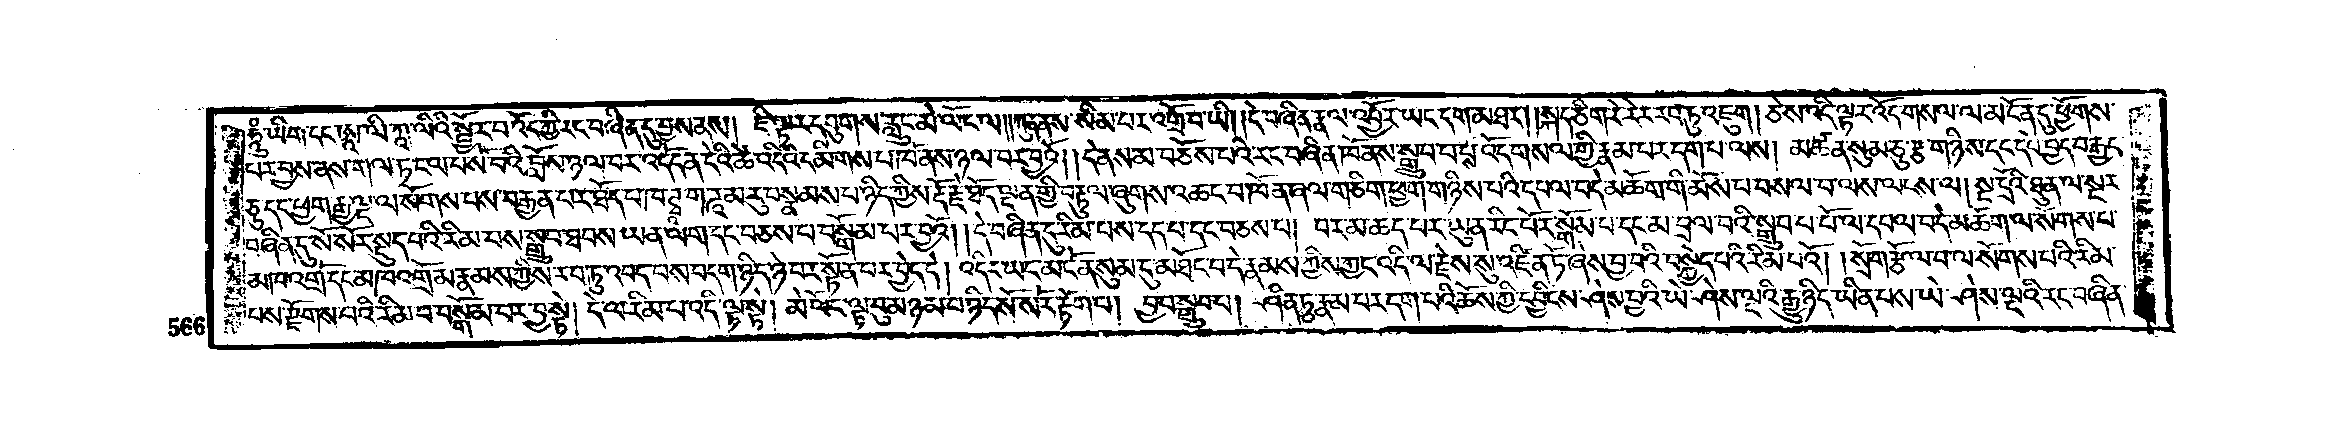ཧཱུཾ་ཡིག་དང་ཨཱ་ལི་ཀཱ་ལིའི་སྦྱོར་བ་འོད་ཀྱི་རང་བཞིན་དུ་བྱས་ནས། ཇི་ལྟར་དབུགས་རླུང་མེ་ལོང་ལ། །ཀུན་ནས་སིམ་པར་འགྲོ་བ་ཡི། །དེ་བཞིན་རྣལ་འབྱོར་ཡང་དག་མཐར། །སྐད་ཅིག་རེ་རེར་རབ་ཏུ་འཇུག །ཅེས་འདི་ལྟར་འོད་གསལ་ལ་མངོན་དུ་ཕྱོགས་
པར་བྱས་ནས་གལ་ཏེ་ངལ་བསོ་བའི་བློས་ཉལ་བར་འདོད་ན་དེའི་ཚེ་འདིའི་དམིགས་པ་ཁོ་ནས་ཉལ་བར་བྱའོ། །དེ་ནས་མ་བཅོས་པའི་རང་བཞིན་ཁོ་ནས་སྒྲུབ་པ་པོས་འོད་གསལ་གྱི་རྣམ་པར་དག་པ་ལས། མཚན་སུམ་ཅུ་རྩ་གཉིས་དང་དཔེ་བྱད་བརྒྱད་
ཅུ་དང་ཕྱག་རྒྱ་ལྔ་ལ་སོགས་པས་བརྒྱན་པར་ཐོད་པ་ཁ་ཊྭཱཾ་ག་ཌཱ་མ་རུ་བསྣམས་པ་ཉིད་ཀྱིས་རྡོ་རྗེ་ཐོད་ལྡན་གྱི་བརྟུལ་ཞུགས་འཚང་བ་ཁོ་ན་ཞལ་གཅིག་ཕྱག་གཉིས་པའི་དཔལ་བདེ་མཆོག་གི་མོས་པ་བསལ་བ་ལས་ལངས་ལ། སྔ་དྲོའི་ཐུན་ལ་སྔར་
བཞིན་དུ་སོ་སོར་སྡུད་པའི་རིམ་པས་སྒྲུབ་ཐབས་ཡན་ལག་དང་བཅས་པ་བསྒོམ་པར་བྱའོ། །དེ་བཞིན་དུ་རིམ་པས་དད་པ་དང་བཅས་པ། བར་མ་ཆད་པར་ཡུན་རིང་པོར་སྒོམ་པ་དང་མ་བྲལ་བའི་སྒྲུབ་པ་པོ་ལ་དཔལ་བདེ་མཆོག་ལ་སོགས་པ་
མཁའ་འགྲོ་དང་མཁའ་འགྲོ་མ་རྣམས་ཀྱིས་རབ་ཏུ་འབད་པས་བདག་ཉིད་ཉེ་བར་སྟོན་པར་བྱེད་དེ། འདིར་ཡང་མངོན་སུམ་དུ་མཐོང་བ་དེ་རྣམས་ཀྱིས་ཀྱང་འདི་ལ་རྗེས་སུ་འཛིན་ཏོ་ཞེས་བྱ་བའི་བསྐྱེད་པའི་རིམ་པའོ། །སྲོག་རྩོལ་བ་ལ་སོགས་པའི་རིམ་
པས་རྫོགས་པའི་རིམ་པ་བསྒོམ་པར་བྱ་སྟེ། དེ་ལ་རིམ་པ་འདི་ལྟ་སྟེ། མེ་ལོང་ལྟ་བུ་མཉམ་པ་ཉིད་སོ་སོར་རྟོག་པ། བྱ་བ་སྒྲུབ་པ། ཤིན་ཏུ་རྣམ་པར་དག་པའི་ཆོས་ཀྱི་དབྱིངས་ཤེས་བྱའི་ཡེ་ཤེས་ལྔའི་རྒྱུ་ཉིད་ཡིན་པས་ཡེ་ཤེས་ལྔའི་རང་བཞིན་
ག་